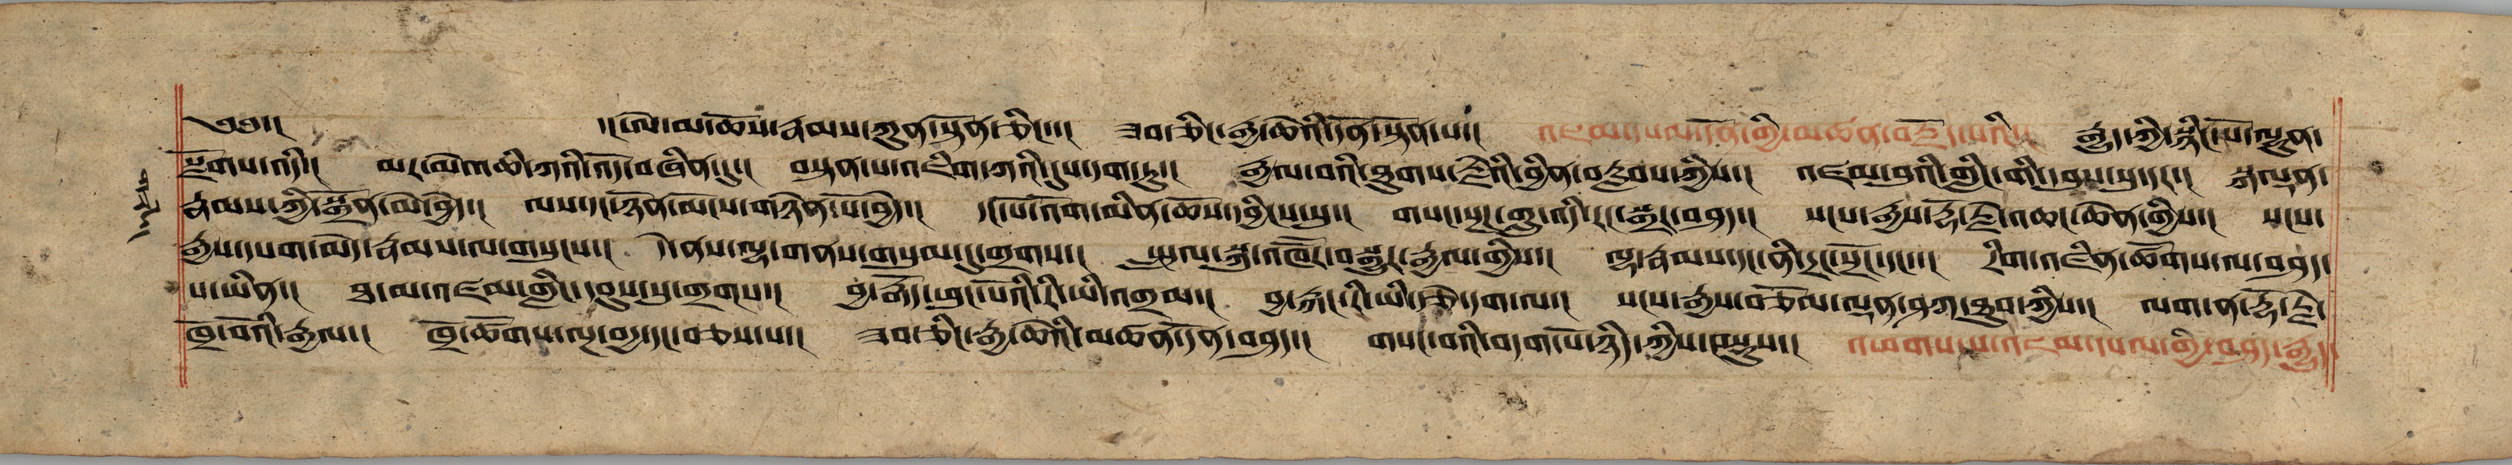༄༅་། ་།ཨེ་མ་ཆོས་རྣམས་ཀུན་སྟོན་ཅིང་་། ཟབ་ཅིང་རྒྱ་ཆེའི་དོན་སྟོན་པ་། འཇམ་དཔལ་དོན་གྱི་མཚན་བརྗོད་པའི་། རྒྱུད་ཀྱི་སྙིང་པོ་ལྷུན
སྫོགས་འདི་། མར་མེ་འཆི་ཀའི་འོད་བཞིན་དུ་། བསྟན་པ་འཇིག་ཀའི་དུས་དག་ཏུ་། རྒྱལ་བའི་ཐུགས་རྗེའི་བྱིན་བརླབས་ཀྱིས་། འཛམ་བུའི་གླིང་གི་དབུས་སུ་དང་། སྐལྡན་
རྣམས་ཀྱི་སྒྲོན་མེ་བྱེད་། ལས་དང་ཉོན་མོངས་གཉེན་པོ་བྱེད་། དང་པོ་འོག་མིན་ཆོས་དབྱིངས་སུ་། གསང་སྔཌ་གླུ་འདི་རང་སྒྲར་བཤད་། སངས་རྒྱས་རྡོ་རྗེ་འཆང་ཆེན་གྱིས་། སངས་
རྒྱས་དཔག་མེད་རྣམས་ལ་གསུངས་། དེ་ནས་ལྷ་གནས་གསུམ་དུ་གྲགས་། སྤྲུལ་སྐུ་འཁཽར་བསྒྱུར་རྒྱལ་གྱིས་། ལྷ་རྣམས་དང་ནི་དྲང་སྲོང་དང་། རིག་འཛིན་ཚོགས་ལ་བཤད་
ས་ཡིན་། ཐ་མ་མཛམ་གླིང་དབུས་སུ་གྲགས་། བྱ་རྒོད་ཕུང་པོའི་རི་ཡི་འགྲམ་། བྱ་རྐང་རི་ཡི་རྩེ་དག་ལ་། སངས་རྒྱས་བཅོམ་ལྡན་ཤཀ་ཐུབ་ཀྱིས་། ལག་ན་རྡོ་རྗེ་
ཁྲོ་བའི་རྒྱལ་། ཁྲོ་ཚོགས་ལྔ་བདྱ་དང་བཅས་པ་། ཟབ་ཅིང་རྒྱ་ཆེའི་མཚན་དོན་བཤད་། གསང་བའི་བདག་པོ་ཉིད་ཀྱིས་བསྡུས་། འཕགས་པ་འཇམ་དཔལ་གྱི་བཤད་རྒྱུད་